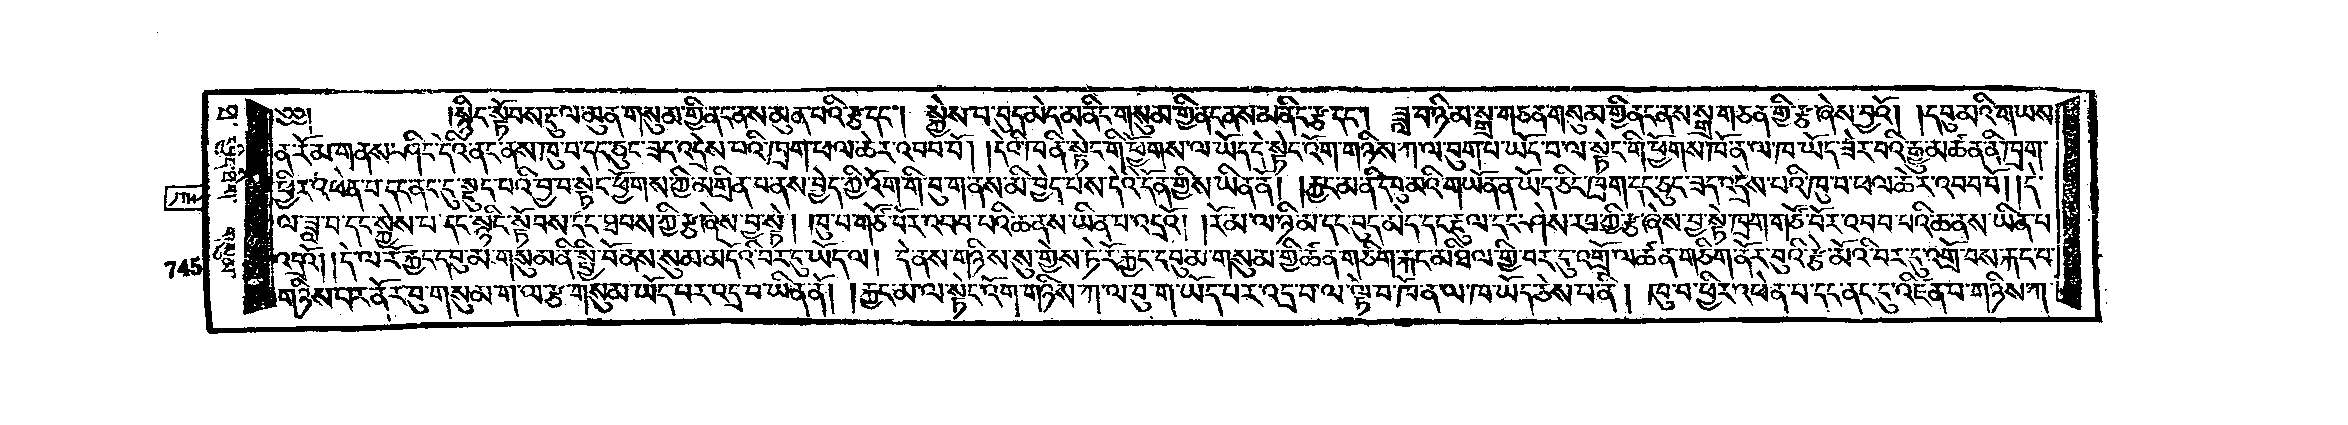༄༅། །སྙིང་སྟོབས་རྡུལ་མུན་གསུམ་གྱི་ནང་ནས་མུན་པའི་རྩ་དང་། སྐྱེས་པ་བུད་མེད་མ་ནིང་གསུམ་གྱི་ནང་ནས་མ་ནིང་རྩ་དང་། ཟླ་བ་ཉི་མ་སྒྲ་གཅན་གསུམ་གྱི་ནང་ནས་སྒྲ་གཅན་གྱི་རྩ་ཞེས་བྱའོ། །དབུ་མའི་གཡས་
ན་རོ་མ་གནས་ཤིང་དེའི་ནང་ནས་ཁུ་བ་དང་ཅུང་ཟད་འདྲེས་པའི་ཁྲག་ཕལ་ཆེར་འབབ་བོ། །དེའི་ཁ་ནི་སྟེང་གི་ཕྱོགས་ལ་ཡོད་དེ་སྟེང་འོག་གཉིས་ཀ་ལ་བུག་པ་ཡོད་པ་ལ་སྟེང་གི་ཕྱོགས་ཁོ་ན་ལ་ཁ་ཡོད་ཟེར་བའི་རྒྱུ་མཚན་ནི་ཁྲག་
ཕྱིར་འཕེན་པ་དང་ནང་དུ་སྡུད་པའི་བྱ་བ་སྟེང་ཕྱོགས་ཀྱི་མགྲིན་པ་ནས་བྱེད་ཀྱི་འོག་གི་བུ་ག་ནས་མི་བྱེད་པས་དེའི་དོན་གྱིས་ཡིན་ནོ། །རྐྱང་མ་ནི་དབུ་མའི་གཡོན་ན་ཡོད་ཅིང་ཁྲག་དང་ཅུང་ཟད་འདྲེས་པའི་ཁུ་བ་ཕལ་ཆེར་འབབ་བོ། །དེ་
ལ་ཟླ་བ་དང་སྐྱེས་པ་དང་སྙིང་སྟོབས་དང་ཐབས་ཀྱི་རྩ་ཞེས་བྱ་སྟེ། ཁུ་བ་གཙོ་བོར་འབབ་པའི་ཆ་ནས་ཡིན་པ་འདྲའོ། །རོ་མ་ལ་ཉི་མ་དང་བུད་མེད་དང་རྡུལ་དང་ཤེས་རབ་ཀྱི་རྩ་ཞེས་བྱ་སྟེ་ཁྲག་གཙོ་བོར་འབབ་པའི་ཆ་ནས་ཡིན་པ་
འདྲའོ། །དེ་ལ་རོ་རྐྱང་དབུ་མ་གསུམ་ནི་སྤྱི་བོ་ནས་སུམ་མདོའི་བར་དུ་ཡོད་ལ། དེ་ནས་གཉིས་སུ་གྱེས་ཏེ་རོ་རྐྱང་དབུ་མ་གསུམ་གྱི་ཚན་གཅིག་རྐང་མཐིལ་གྱི་བར་དུ་འགྲོ་ལ་ཚན་གཅིག་ནོར་བུའི་རྩེ་མོའི་བར་དུ་འགྲོ་བས་རྐང་པ་
གཉིས་པར་ནོར་བུ་གསུམ་ག་ལ་རྩ་གསུམ་ཡོད་པར་འདྲ་བ་ཡིན་ནོ། །རྐྱང་མ་ལ་སྟེང་འོག་གཉིས་ཀ་ལ་བུ་ག་ཡོད་པར་འདྲ་བ་ལ་ལྟེ་བ་ཁོ་ན་ལ་ཁ་ཡོད་ཅེས་པ་ནི། ཁུ་བ་ཕྱིར་འཕེན་པ་དང་ནང་དུ་འཛིན་པ་གཉིས་ཀ་